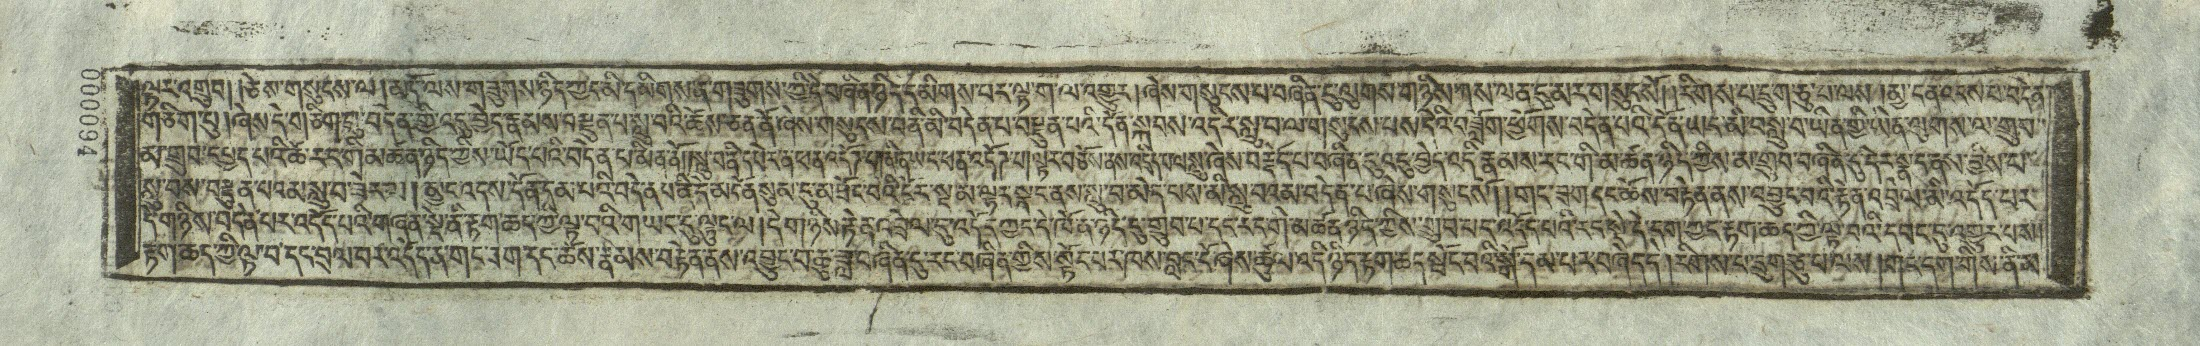ལྟར་འགྲུབ། །ཅེས་གསུངས་ལ། མདོ་ལས་གཟུགས་ཉིད་ཀྱང་མི་དམིགས་ན་གཟུགས་ཀྱི་དེ་བཞིན་ཉིད་དམིགས་པར་ལྟ་ག་ལ་འགྱུར། ཞེས་གསུངས་པ་བཞིན་དུ་ལུགས་གཉིས་ཀས་ལན་དུ་མར་གསུངས་སོ། །རིགས་པ་དྲུག་ཅུ་པ་ལས། མྱ་ངན་འདས་པ་བདེན་
གཅིག་པུ། ཞེས་དེ་གཅིག་པུ་བདེན་གྱི་འདུ་བྱེད་རྣམས་བརྫུན་བསླུ་བའི་ཆོས་ཅན་ནོ་ཞེས་གསུངས་བ་ནི་མི་བདེན་པ་བརྫུན་པའི་དོན་སྐབས་འདིར་སླུ་བ་ལ་གསུངས་པས་དའི་བཟློག་ཕྱོགས་བདེན་པའི་དོན་ཡང་མི་བསླུ་བ་ཡིན་གྱི་ཡིན་ལུགས་ལ་གྲུབ་
མ་གྲུབ་དཔྱད་བའི་ཚེ་རང་གི་མཚན་ཉིད་ཀྱིས་ཡོད་པའི་བདེན་པ་མིན་ནོ། །སླུ་བ་ནི་དཔེར་ན་ཕན་འདོགས་པ་ཡིན་ཡང་ཕན་འདོགས་པ་?་ལྟར་བཅོས་ནས་འདྲིད་པ་ལ་སླུ་ཞེས་བརྗེད་པ་བཞིན་དུ་འདུ་བྱེད་འདི་རྣམས་རང་གི་མཚན་ཉིད་ཀྱིས་མ་གྲུབ་བཞིན་དུ་དེར་སྣང་ནས་བྱིས་པ་
སླུ་བས་བརྫུན་པའམ་སླུ་བ་ཟེར་ལ། མྱང་འདས་དོན་དམ་བའི་བདེན་པ་ནི་དེ་མངོན་སུམ་དུ་མཐོང་བའི་ངོར་སྔ་མ་ལྟར་སྣང་ནས་སླུ་བ་མེད་པས་མི་སླུ་བའམ་བདེན་པ་ཞེས་གསུངས་སོ། །གང་ཟག་དང་ཆོས་བརྟེན་ནས་འབྱུང་བའི་རྟེན་འབྲེལ་མི་འདོད་པར་
དེ་གཉིས་བདེན་པར་འདོད་པའི་གཞན་སྡེ་ནི་རྟག་ཆད་ཀྱི་ལྟ་བའི་གཡང་དུ་ལྟུང་ལ། དེ་གཉིས་རྟེན་འབྲེལ་དུ་འདོད་ཀྱང་དེ་ཁོ་ན་ཉིད་དུ་གྲུབ་པ་དང་རང་གི་མཚན་ཉིད་ཀྱིས་གྲུབ་པར་འདོད་པའི་རང་སྡེ་དེ་དག་ཀྱང་རྟག་ཆད་ཀྱི་ལྟ་བའི་དབང་དུ་འགྱུར་བས།
རྟག་ཆད་ཀྱི་ལྟ་བ་དང་བྲལ་བར་འདོད་ན་གང་ཟག་དང་ཆོས་རྣམས་བརྟེན་ནས་འབྱུང་བ་ཆུ་ཟླ་བཞིན་དུ་རང་བཞིན་གྱིས་སྟོང་པར་ཁས་བླང་ངོ་ཞེས་ཚུལ་འདི་ཉིད་རྟག་ཆད་སྤོང་བའི་སྒོ་དམ་བར་བཞེད་དེ། རིགས་པ་དྲུག་ཅུ་པ་ལས། གང་དག་གིས་ནི་མ་